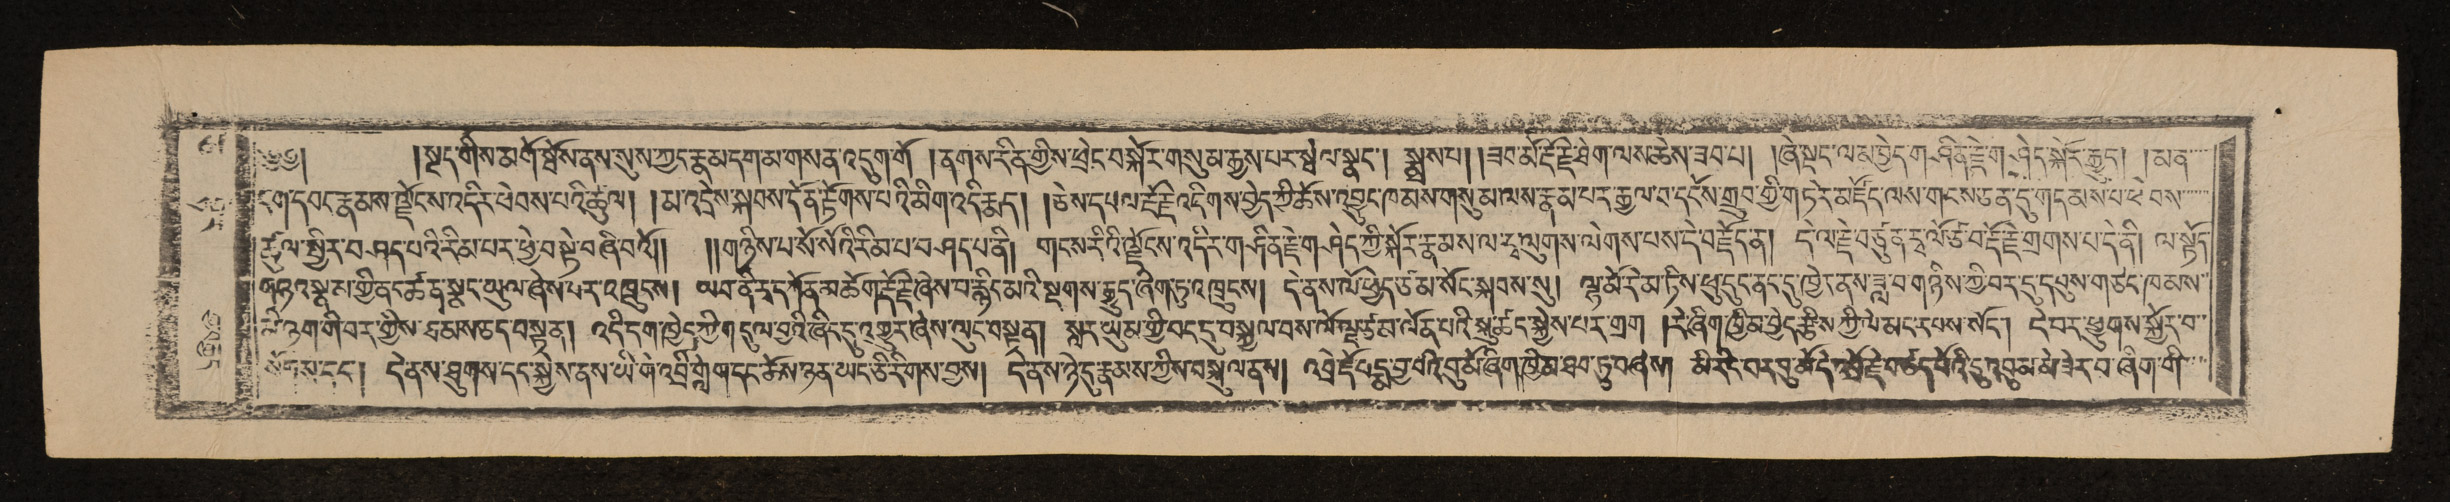༄༅། །སྡང་གིས་མགོ་སྤོས་ནས་སུས་ཀྱང་རྣམ་དག་མ་གསན་འདུག་གོ །ནགས་རིན་གྱིས་ཕྲེང་བ་སྐོར་གསུམ་རྒྱས་པར་སྤེལ་སྣང་། སྨྲས་པ། ཟབ་མོ་རྡོ་རྗེ་ཐེག་ལས་ཆེས་ཟབ་པ། །ཞེ་སྔར་ལམ་བྱེད་གཤིན་རྗེ་གཤེད་སྐེར་རྒྱུད། །མན་
ངག་དབང་རྣམས་ལྗོངས་འདིར་ཕེབས་པའི་ཚུལ། །མ་འདྲེས་སྐབས་དོན་རྟོགས་པའི་མིག་འདི་རྨད། །ཅེས་དཔལ་རྡོ་རྗེ་འཇིགས་བྱེད་ཀྱི་ཆོས་འབྱུང་ཁམས་གསུམ་ལས་རྣམ་པར་རྒྱལ་བ་དངོས་གྲུབ་གྱི་གཏར་མཛོད་ལས་གངས་ཅན་དུ་གདམས་པ་ཕེབས་
ཚུལ་སྤྱིར་བཤད་པའི་རིམ་པར་ཕྱེ་བ་སྟེ་བཞི་པའོ།། །།གཉིས་པ་སོ་སོའི་རིམ་པ་བཤད་པ་ནི། གངས་རིའི་ལྗོངས་འདིར་གཤིན་རྗེ་གཤེད་ཀྱི་སྐོར་རྣམས་ལ་རྭ་ལུགས་ལེགས་པས་དེ་བརྗོད་ན། དེ་ལ་རྗེ་བཙུན་རྭ་ལོ་ཙ་བ་རྡོ་རྗེ་གྲགས་པ་དེ་ནི། ལ་སྟོང་
གཉའ་སྣམ་གྱི་ནང་ཚན་སྣང་ཡུལ་ཞེས་པར་འཁྲུངས། ཡབ་ནི་རྭ་དཀོན་མཆོག་རྡོ་རྗེ་ཞེས་པ་རྙིང་མའི་སྔགས་རྒྱུད་ཞིག་ཏུ་འཁྲུངས། དེ་ནས་ལོ་ཕྱེད་ཙམ་སོང་སྐབས་སུ། ལྷ་མོ་རེ་མ་ཏིས་ཕུ་དུང་ནང་དུ་ཁྱེར་ནས་ཟླ་བ་གཉིས་ཀྱི་བར་དུ་དབུས་གཙང་ཁམས་
མི་ཉག་གི་བར་གྱིས་ཐམས་ཅད་བསྟན། འདི་དག་ཁྱེད་ཀྱི་གདུལ་བྱའི་ཞིང་དུ་འགྱུར་ཞེས་ལུང་བསྟན། སླར་ཡུམ་གྱི་བང་དུ་བསྐྱལ་བས་ལོ་ལྔ་ཙམ་ལོན་པའི་སྐུ་ཚད་སྐྱེས་པར་གྲག །རེ་ཞིག་ཁྱིམ་བྱེད་རྩིས་ཀྱི་ལོ་མང་རབས་སོང་། དེ་བར་ཕྱུགས་སྐྱོང་བ་
སོགས་དང་། དེ་ནས་ཐུགས་དང་སྐྱེས་ནས་ཡི་གེ་འབྲི་གློག་དང་ཆོས་ཉན་ཡང་ཅི་རིགས་བྱས། དེ་ནས་ཉེ་དུ་རྣམས་ཀྱིས་བསྐུལ་ནས། འབྲེ་ཇོ་པདམ་བྱ་བའི་བུ་མོ་ཞིག་ཁྱིམ་ཐུབ་ཏུ་བཞེས། མི་རིང་བར་བུ་མོ་དེ་འབྲོ་རྗེ་བཙད་པོའི་བུ་འབུམ་མེ་ཟེར་བ་ཞིག་གི་